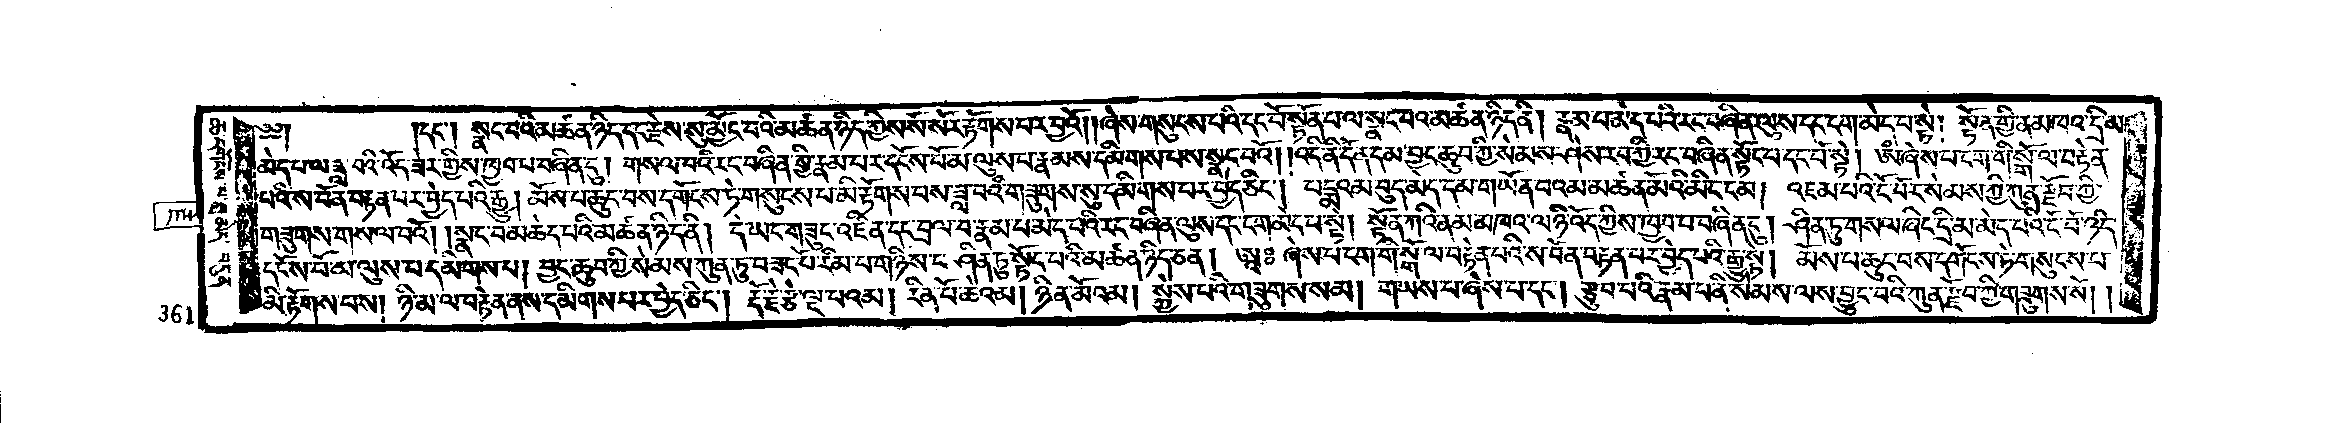༄༅། །དང་། སྣང་བའི་མཚན་ཉིད་དང་རྗེས་སུ་མྱོང་བའི་མཚན་ཉིད་ཀྱིས་སོ་སོར་རྟོགས་པར་བྱའོ། །ཞེས་གསུངས་པའི་དང་པོ་སྟོན་པ་ལ་སྣང་བའི་མཚན་ཉིད་ནི། རྣམ་པ་མེད་པའི་རང་བཞིན་ལུས་དང་ངག་མེད་པ་སྟེ། སྟོན་གྱི་ནམ་མཁའ་དྲི་མ་
མེད་པ་ལ་ཟླ་བའི་འོད་ཟེར་གྱིས་ཁྱབ་པ་བཞིན་དུ། གསལ་བའི་རང་བཞིན་གྱི་རྣམ་པར་དངོས་པོ་མ་ལུས་པ་རྣམས་དམིགས་པས་སྣང་བའོ། །འདི་ནི་དོན་དམ་བྱང་ཆུབ་ཀྱི་སེམས་ཤེས་རབ་ཀྱི་རང་བཞིན་སྟོང་པ་དང་པོ་སྟེ། ཨཾ་ཞེས་པ་ངག་གི་སྒོ་ལ་བརྟེན་
པའི་ས་བོན་བརྟེན་པར་བྱེད་པའི་རྒྱུ། མོས་པ་ཆུང་བས་དགོངས་ཏེ་གསུངས་པ་མི་རྟོགས་པས་ཟླ་བའི་གཟུགས་སུ་དམིགས་པར་བྱེད་ཅིང་། པདམའམ་བུད་མེད་དམ་གཡོན་པའམ་མཚན་མོའི་མིང་ངམ། འཇམ་པའི་ངོ་བོར་སེམས་ཀྱི་ཀུན་རྫོབ་ཀྱི་
གཟུགས་གསལ་བའོ། །སྣང་བ་མཆེད་པའི་མཚན་ཉིད་ནི། དེ་ཡང་གཟུང་འཛིན་དང་བྲལ་བ་རྣམ་པ་མེད་པའི་རང་བཞིན་ལུས་དང་ངག་མེད་པ་སྟེ། སྟོན་ཀའི་ནམ་མཁའ་ལ་ཉི་འོད་ཀྱིས་ཁྱབ་པ་བཞིན་དུ། ཤིན་ཏུ་གསལ་ཞིང་དྲི་མ་མེད་པའི་ངོ་བོ་ཉིད་དངོས་པོ་མ་ལུས་པ་དམིགས་པ། བྱང་ཆུབ་ཀྱི་སེམས་ཀུན་ཏུ་བཟང་པོ་རིམ་པ་གཉིས་པ་ཤིན་ཏུ་སྟོང་པའི་མཚན་ཉིད་ཅན། ཨཱཿ ཞེས་པ་ངག་གི་སྒོ་ལ་བརྟེན་པའི་ས་བོན་བརྟན་པར་བྱེད་པའི་རྒྱུ་སྟེ། མོས་པ་ཆུང་བས་དགོངས་ཏེ་གསུངས་པ་
མི་རྟོགས་པས། ཉི་མ་ལ་བརྟེན་ནས་དམིགས་པར་བྱེད་ཅིང་། རྡོ་རྗེ་རྩེ་ལྔ་པའམ། རིན་པོ་ཆེའམ། ཉིན་མོའམ། སྐྱེས་པའི་གཟུགས་སམ། གཡས་པ་ཞེས་པ་དང་། རྩུབ་པའི་རྣམ་པ་ནི་སེམས་ལས་བྱུང་བའི་ཀུན་རྫོབ་ཀྱི་གཟུགས་སོ། །